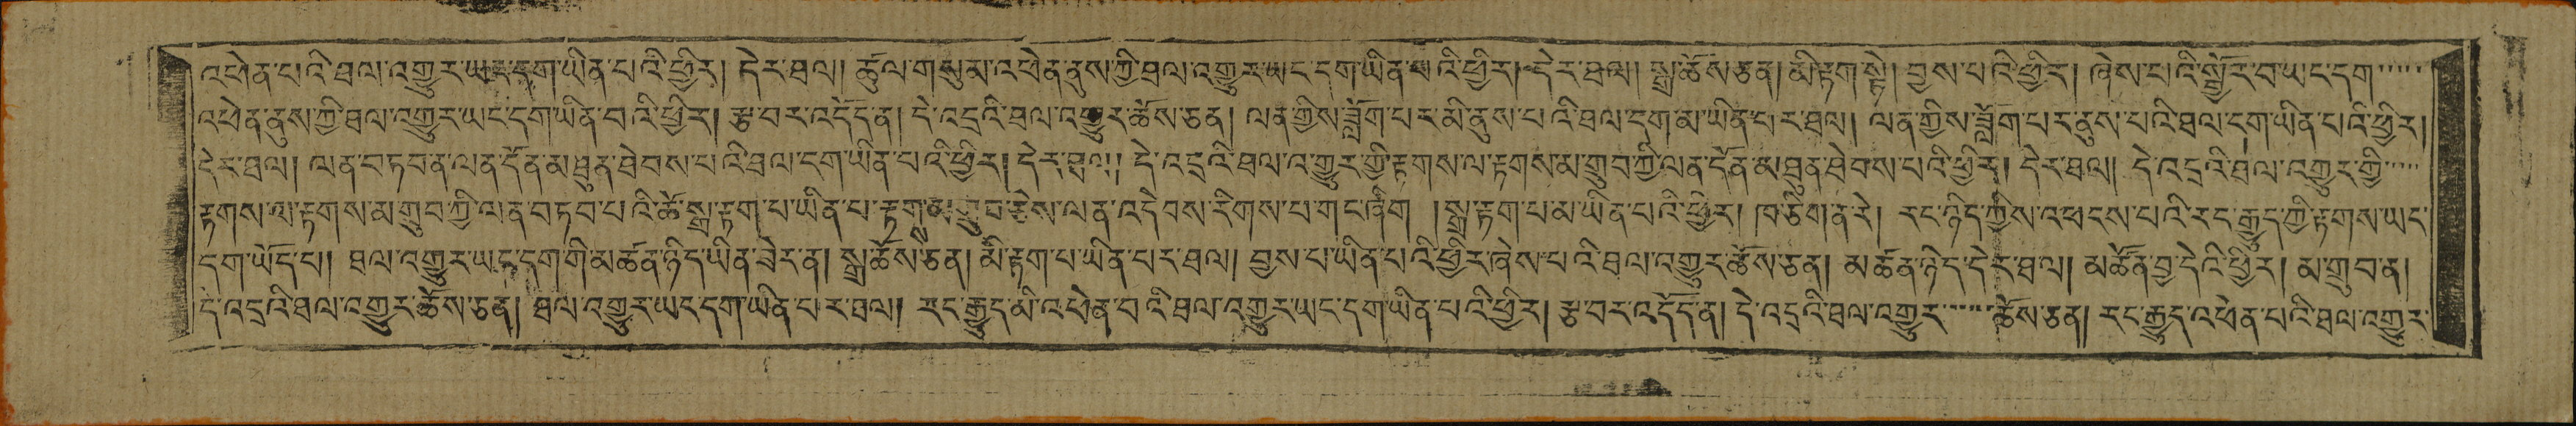འཕེན་པའི་ཐལ་འགྱུར་ཡང་དག་ཡིན་པའི་ཕྱིར། དེར་ཐལ། ཚུལ་གསུམ་འཕེན་ནུས་ཀྱི་ཐལ་འགྱུར་ཡང་དག་ཡིན་པའི་ཕྱིར། དེར་ཐལ། སྒྲ་ཆོས་ཅན། མི་རྟག་སྟེ། བྱས་པའི་ཕྱིར། ཞེས་པའི་སྦྱོར་བ་ཡང་དག་
འཕེན་ནུས་ཀྱི་ཐལ་འགྱུར་ཡང་དག་ཡིན་པའི་ཕྱིར། རྩ་བར་འདོད་ན། དེ་འདྲའི་ཐལ་འགྱུར་ཆོས་ཅན། ལན་གྱིས་ཟློག་པར་མི་ནུས་པའི་ཐལ་དག་མ་ཡིན་པར་ཐལ། ལན་གྱིས་ཟློག་པར་ནུས་པའི་ཐལ་དག་ཡིན་པའི་ཕྱིར།
དེར་ཐལ། ལན་བཏབ་ན་ལན་དོན་མཐུན་ཐེབས་པའི་ཐལ་ངག་ཡིན་པའི་ཕྱིར། དེར་ཐལ། དེ་འདྲའི་ཐལ་འགྱུར་གྱི་རྟགས་ལ་རྟགས་མ་གྲུབ་ཀྱི་ལན་དོན་མཐུན་ཐེབས་པའི་ཕྱིར། དེར་ཐལ། དེ་འདྲའི་ཐལ་འགྱུར་གྱི་
རྟགས་ལ་རྟགས་མ་གྲུབ་ཀྱི་ལན་བཏབ་པའི་ཚེ་སྒྲ་རྟག་པ་ཡིན་པ་རྟགས་མ་གྲུབ་ཅེས་ལན་འདེབས་རིགས་པ་གང་ཞིག །སྒྲ་རྟག་པ་མ་ཡིན་པའི་ཕྱིར། ཁ་ཅིག་ན་རེ། རང་ཉིད་ཀྱིས་འཕངས་པའི་རང་རྒྱུད་ཀྱི་རྟགས་ཡང་
དག་ཡོད་པ། ཐལ་འགྱུར་ཡང་དག་གི་མཚན་ཉིད་ཡིན་ཟེར་ན། སྒྲ་ཆོས་ཅན། མི་རྟག་པ་ཡིན་པར་ཐལ། བྱས་པ་ཡིན་པའི་ཕྱིར་ཞེས་པའི་ཐལ་འགྱུར་ཆོས་ཅན། མཚན་ཉིད་དེར་ཐལ། མཚོན་བྱ་དེའི་ཕྱིར། མ་གྲུབ་ན།
དེ་འདྲའི་ཐལ་འགྱུར་ཆོས་ཅན། ཐལ་འགྱུར་ཡང་དག་ཡིན་པར་ཐལ། རང་རྒྱུད་ཀྱི་འཕེན་པའི་ཐལ་འགྱུར་ཡང་དག་ཡིན་པའི་ཕྱིར། རྩ་བར་འདོད་ན། དེ་འདྲའི་ཐལ་འགྱུར་ཆོས་ཅན། རང་རྒྱུད་འཕེན་པའི་ཐལ་འགྱུར་